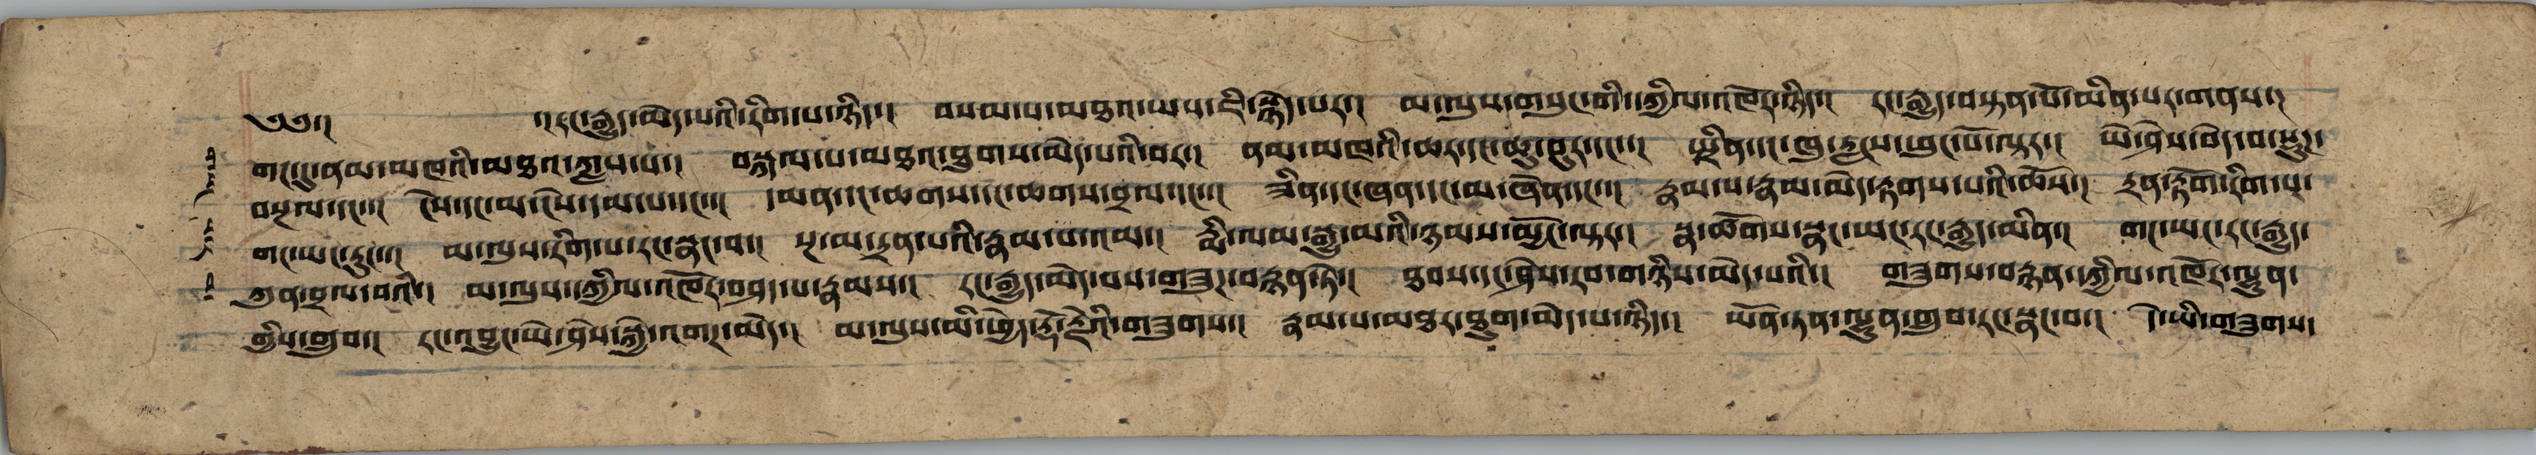༄༅་། ་།རང་རྒྱུད་མེད་པའི་རིག་པ་ཉིད་། བསམ་པ་མཐའ་ཡས་ཇི་སྙེད་པར་། མ་ལུས་གསུང་གི་དཀྱིལ་འཁོར་ཉིད་། རང་རྒྱུད་བསྟན་པོ་མིན་པར་གནས་།
གང་དུ་ནམ་མཁའི་མཐའ་ཀླས་པ་། བསྐལ་པ་མཐའ་ཐུགས་མེད་པའི་བར་། ནམ་མཁའི་ཆར་དང་ཆུ་བུར་དང་་། སྤྲིན་དང་ཁུ་རླངས་ཕུང་པོ་ལྟར་། ཡེ་ཤེས་བདེ་བ་སྡུཌ་
བསྔལ་དང་་། ངེས་དང་མ་ངེས་དམ་པ་དང་་། དམན་དང་ཆགས་དང་ཆགས་བྲལ་དང་་། ཟིན་དང་ཞན་དང་མ་ཞེན་དང་་། རྣམ་པ་རྣམ་མེད་རྟགས་པའི་ཆོས་། དྲན་རྟོག་རིག་པ་
གང་ཡང་རུང་་། མ་ལུས་རིག་པ་རང་སྣང་བ་། སྔ་མ་དྲན་པའི་རྣམ་པ་འམ་། རྨི་ལམ་སྒྱུ་མའི་ཉམས་མྱོང་ལྟར་། སྣ་ཚོགས་སྣང་ཡང་རང་རྒྱུད་མིན་། གང་ཡང་རང་རྒྱུད་
ཀུན་བྲལ་བའི་། མ་ལུས་དཀྱིལ་འཁོར་བཤད་པ་རྣམས་། རང་རྒྱུད་མེད་པས་གཟུཌ་བརྙན་ཏེ་། ཐབས་དང་ཤེས་རབ་གཉིས་མེད་པའི་། གཟུགས་བརྙན་དཀྱིལ་འཁོར་ལྷུན་
གྱིས་གྲུབ་། རང་འབྱུང་ཡེ་ཤེས་སྐྱེ་འགཌ་མེད་། མ་ལུས་མི་ཕྱེད་རྡོ་རྗེའི་གཟུགས་། རྣམ་པ་མཐར་ཐུག་མེད་པ་ཉིད་། ཡོན་ཏན་ལྷུན་གྲུབ་རང་སྣང་བ་། དེ་ཡི་གཟུགས་